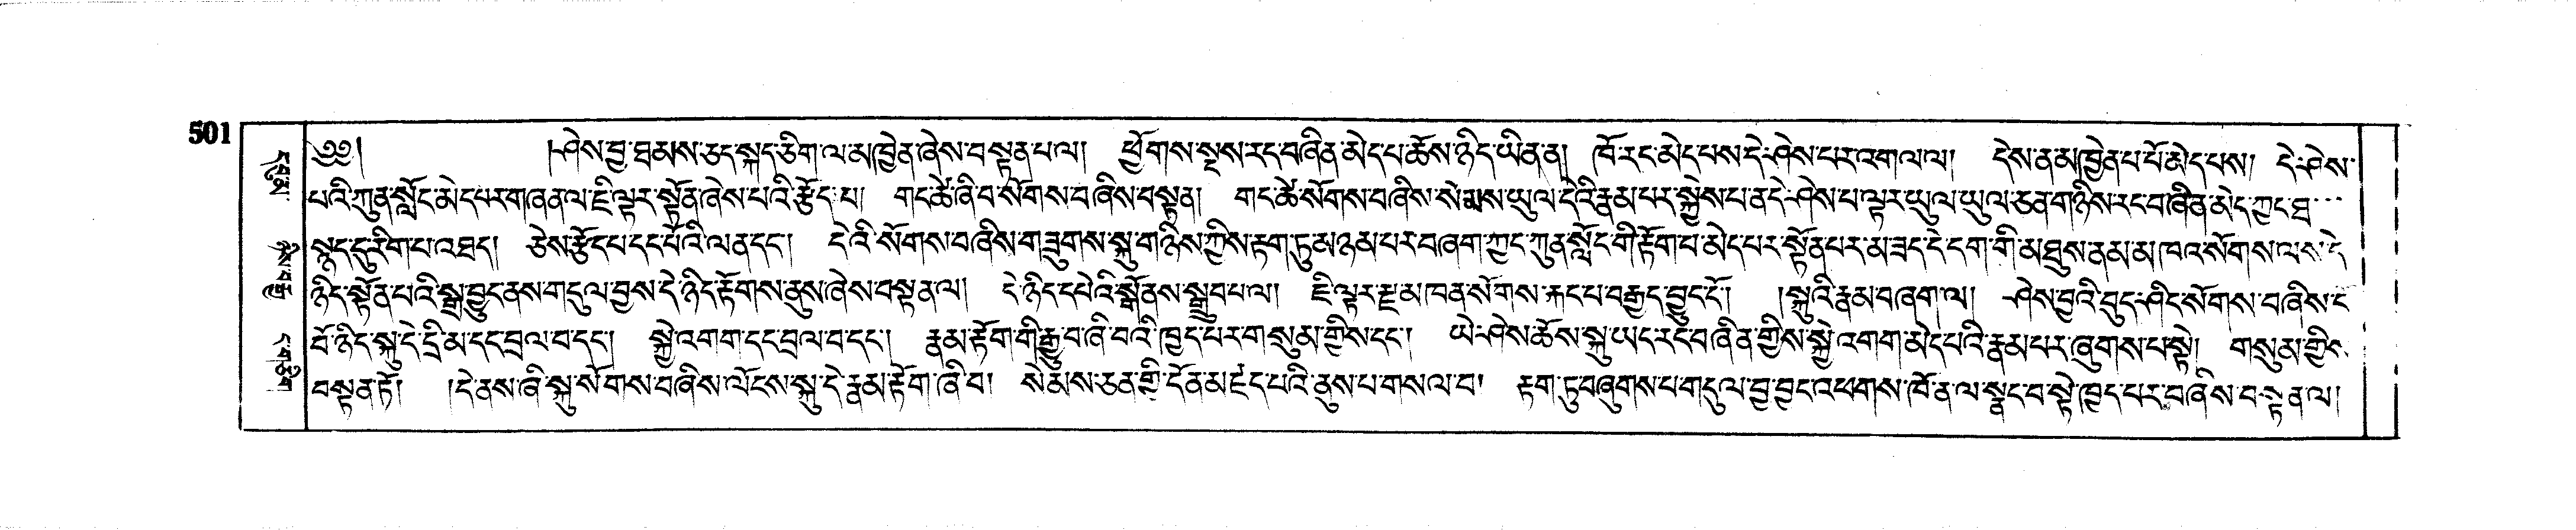༄༅། །ཤེས་བྱ་ཐམས་ཅད་སྐད་ཅིག་ལ་མཁྱེན་ཞེས་བསྟན་པ་ལ། ཕྱོགས་སྔས་རང་བཞིན་མེད་པ་ཆོས་ཉིད་ཡིན་ན། ཁོ་རང་མེད་པས་དེ་ཤེས་པར་འགལ་ལ། དེས་ན་མཁྱེན་པ་པོ་མེད་པས། དེ་ཤེས་
པའི་ཀུན་སློང་མེད་པར་གཞན་ལ་ཇི་ལྟར་སྟོན་ཞེས་པའི་རྩོད་པ། གང་ཚེ་ཞི་བ་སོགས་བཞིས་བསྟན། གང་ཚེ་སོགས་བཞིས་སེམས་ཡུལ་དེའི་རྣམ་པར་སྐྱེས་པ་ན་དེ་ཤེས་པ་ལྟར་ཡུལ་ཡུལ་ཅན་གཉིས་རང་བཞིན་མེད་ཀྱང་ཐ་
སྙད་དུ་རིག་པ་འཐད། ཅེས་རྩོད་པ་དང་པོའི་ལན་དང་། དེའི་སོགས་བཞིས་གཟུགས་སྐུ་གཉིས་ཀྱིས་རྟག་ཏུ་མཉམ་པར་བཞག་ཀྱང་ཀུན་སློང་གི་རྟོག་པ་མེད་པར་སྟོན་པར་མ་ཟད་དེ་དག་གི་མཐུས་ནམ་མཁའ་སོགས་ལས་དེ་
ཉིད་སྟོན་པའི་སྒྲ་བྱུང་ནས་གདུལ་བྱས་དེ་ཉིད་རྟོགས་ནུས་ཞེས་བསྟན་ལ། དེ་ཉིད་དཔེའི་སྒོ་ནས་སྒྲུབ་པ་ལ། ཇི་ལྟར་རྫ་མཁན་སོགས་རྐང་པ་བརྒྱད་བྱུང་ངོ། །སྐུའི་རྣམ་བཞག་ལ། ཤེས་བྱའི་བུད་ཤིང་སོགས་བཞིས་ངོ་
བོ་ཉིད་སྐུ་དེ་དྲི་མ་དང་བྲལ་བ་དང་། སྐྱེ་འགག་དང་བྲལ་བ་དང་། རྣམ་རྟོག་གི་རྒྱུ་བ་ཞི་བའི་ཁྱད་པར་གསུམ་གྱིས་དང་། ཡེ་ཤེས་ཆོས་སྐུ་ཡང་རང་བཞིན་གྱིས་སྐྱེ་འགག་མེད་པའི་རྣམ་པར་ཞུགས་པ་སྟེ། གསུམ་གྱིས་
བསྟན་ཏོ། །དེ་ནས་ཞི་སྐུ་སོགས་བཞིས་ལོངས་སྐུ་དེ་རྣམ་རྟོག་ཞི་བ། སེམས་ཅན་གྱི་དོན་མཛད་པའི་ནུས་པ་གསལ་བ། རྟག་ཏུ་བཞུགས་པ་གདུལ་བྱ་བྱང་འཕགས་ཁོ་ན་ལ་སྣང་བ་སྟེ་ཁྱད་པར་བཞིས་བསྟན་ལ་